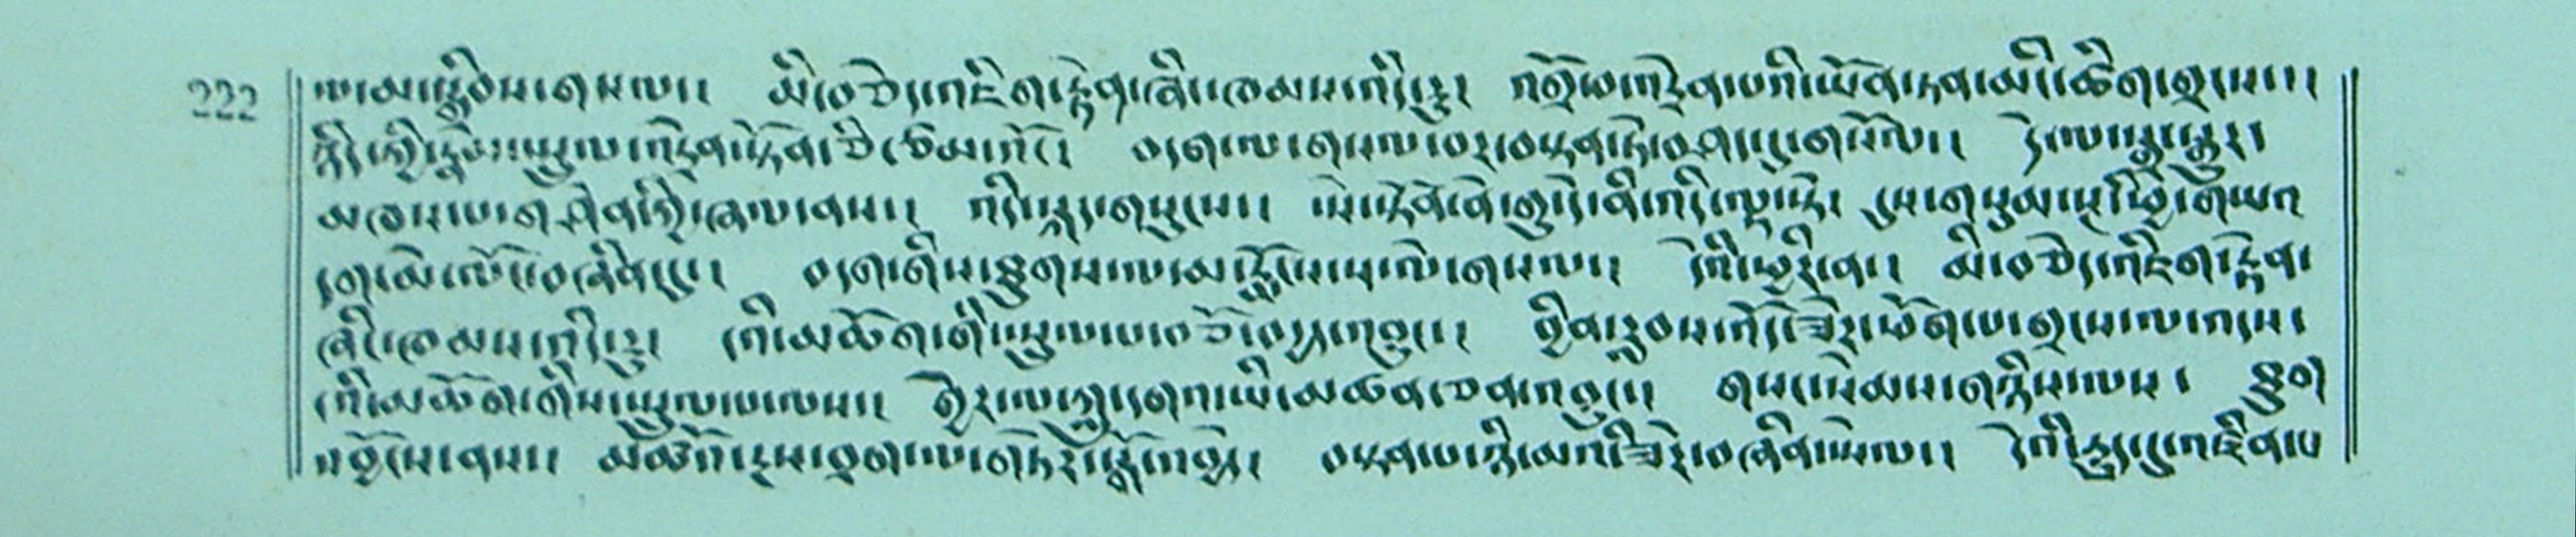ལ་མ་བསྒྲིབ་གསལ། མི་བཅེད་འཇིག་རྟེན་ཞིང་ཁམས་འདི་རུ། འགྲོ་བ་འདྲེན་པའི་ཡོན་ཏན་མིང་ཚིག་གྲངས། 
ཉིད་ཀྱི་རྣམ་སྤྲུལ་འདྲེན་སྟོན་ཅི་ཙམ་འོང་། བདག་ལ་གསལ་བར་བསྟན་ཏེ་བཤད་དུ་གསོལ། དེ་ལ་སྒྲ་བསྒྱུར་
མཁས་པ་གཤེན་གྱི་ཞལ་ནས། འདི་སྐད་གསུངས། སྤེ་སྟོན་ནེ་གུ་དེ་ནི་འདི་ལྟ་སྟེ། དུས་གསུམ་སྔ་ཕྱི་གཡའ་
དག་མེ་ལོང་བཞིན་དུ། བདག་གིས་ཐུགས་ལ་མ་རྨོངས་ས་ལེ་གསལ། དེའི་ཕྱིར་ན། མི་བཅེད་འཇིག་རྟེན་
ཞིང་ཁམས་འདི་རུ། ངའི་མཆོག་གི་སྤྲུལ་པ་བཅོ་བརྒྱད་འབྱུང་། བྱིན་རླབས་འོད་ཟེར་ཕོག་པ་གྲངས་ལས་འདས། 
ང་ཡི་མཆོག་གིས་སྤྲུལ་པ་ལས། གྱེར་ལ་ཀླུ་དགའི་མཚན་ཅན་འབྱུང་། གསང་སེམས་གཉིས་ལས། ཐུགས་
འབྱོངས་ནས། མཚའོ་རྔས་བྲག་ལ་གཏེར་སྒོ་འབྱེད། བསྟན་པ་ཉི་མའི་ཟེར་བཞིན་སྤེལ། དེའི་རྒྱུད་དུ་འཛིན་པ་